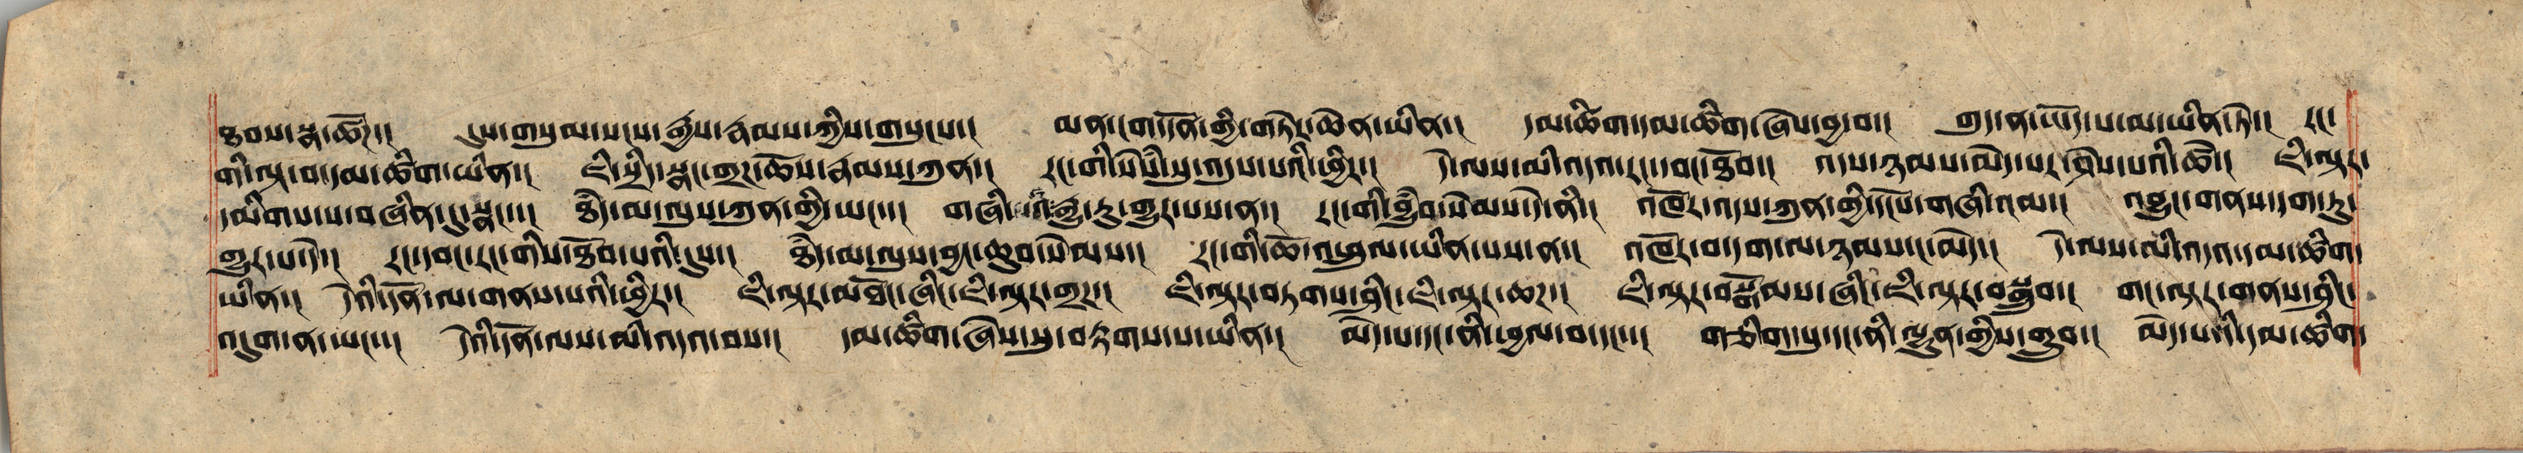ཐབས་སྣ་ཚོཌ་། དུས་གསུམ་སངས་རྒྱས་རྣམས་ཀྱིས་གསུངས་། མན་ངག་དོན་གྱི་གཏེར་ཆེན་ཡིན་། དམ་ཚིག་དམ་ཚིག་ཞེས་བྱ་བ་། གུད་ན་ཡོད་པ་མ་ཡིན་ཏེ་། རང་
གི་ལྟ་བ་དམ་ཚིག་ཡིན་། ཇི་སྲིད་སྣང་གྲཌ་ཆོས་རྣམས་ཀུན་། རང་གི་སེསཾ་སུ་འདུས་པའི་ཕྱིར་། དེ་ལས་མི་འདའ་རང་དབང་ཐོབ་། འདས་ཉམས་མེད་པར་ཤེས་པའི་ཚེ་། ཇི་ལྟར་
དམིགས་པ་བཞིན་དུ་སྣང་་། ཐཾད་མ་ལུས་ཀུན་གྱི་ཡང་་། གཞི་སའི་རྒྱུ་རུ་གྱུར་པས་ན་། རང་གི་བྱུཾབ་སེམས་དེ་ནི་། འཁོར་འདས་ཀུན་གྱི་དངོས་གཞི་འམ་། འབྱུང་གནས་དག་ཏུ་
གྱུར་པ་དེ་། རང་དབང་རང་གིས་ཐོབ་པའི་དུས་། ཐཾད་མ་ལུས་བྱང་ཆུབ་སེམས་། རང་གི་ཆོ་འཕྲུལ་ཡིན་པས་ན་། འཁོར་བ་དག་ལ་ཉམས་ང་མེད་། དེ་ལས་མི་འདའ་དམ་ཚིག་
ཡིན་། དེའི་དོན་ལ་གནས་པའི་ཕྱིར་། ཇི་ལྟར་མཐོང་ཞིང་ཇི་ལྟར་གྲཌ་། ཇི་ལྟར་བཏགས་ཤིང་ཇི་ལྟར་ཆཌ་། ཇི་ལྟར་བསྒོམས་ཞིང་ཇི་ལྟར་བསྒྲུབ་། གང་ལྟར་གནས་ཤིང་
འདུག་ན་ཡང་་། དེའི་དོན་ལས་མི་འདའ་བས་། དམ་ཚིག་ཞེས་སུ་བརྟགས་པ་ཡིན་། མེད་པ་དང་ནི་ཕྱལ་བ་དང་་། གཅིག་པུ་དང་ནི་ལྷུན་གྱིས་གྲུབ་། མེད་པའི་དམ་ཚིག